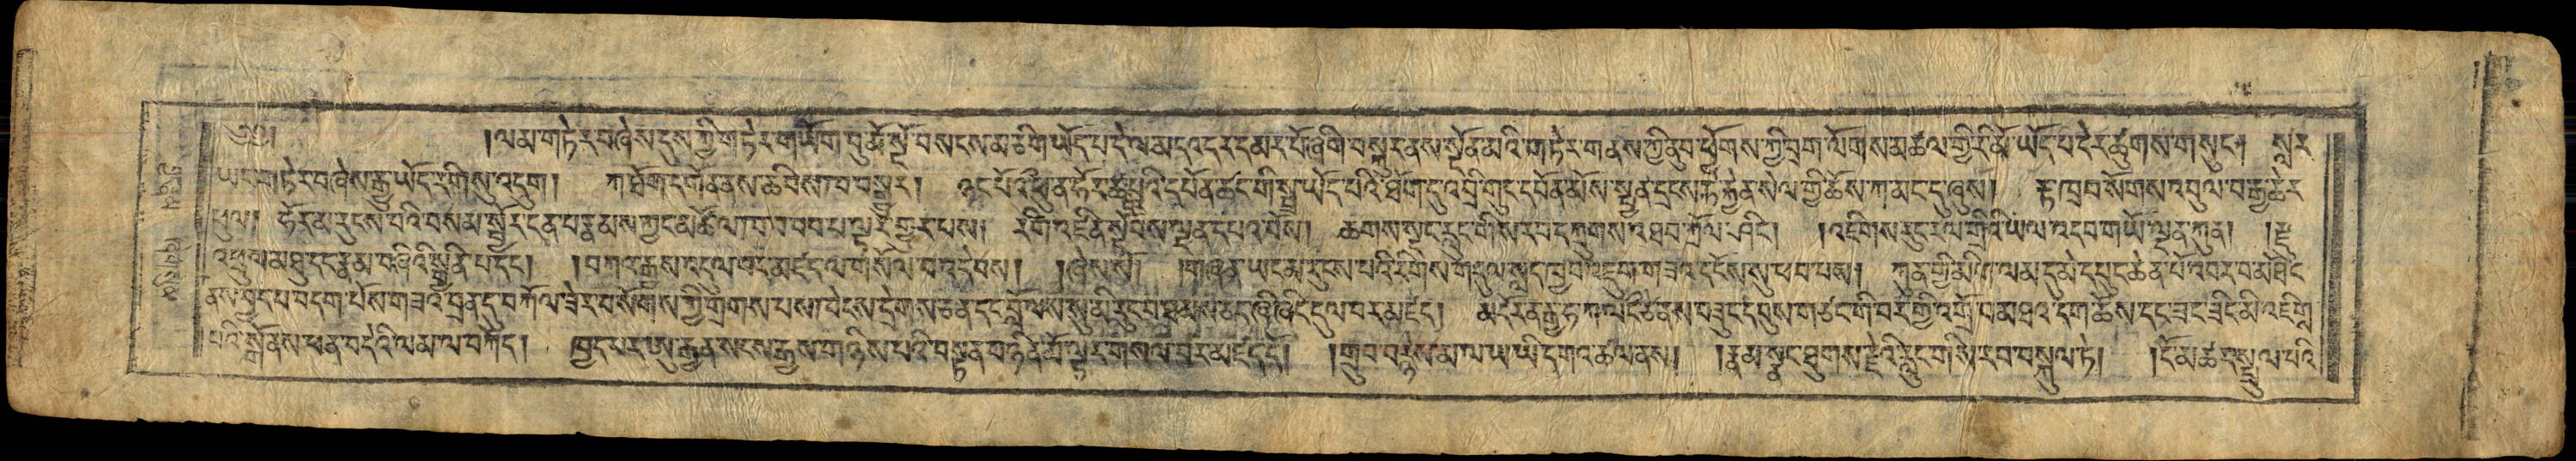༄༅། །ལམ་གཏེར་བཞེས་དུས་ཀྱི་གཏེར་གཡོག་བུ་མོ་སྔོ་བསངས་མ་ཅིག་ཡོད་པ་དེ་ལ་མདའ་དར་དམར་པོ་ཞིག་བསྐུར་ནས་སྔོན་མའི་གཏེར་གནས་ཀྱི་ནུབ་ཕྱོགས་ཀྱི་བྲག་ལོགས་མཚལ་གྱི་རི་མོ་ཡོད་པ་དེར་ཚུགས་གསུང་། སླར་
ཡང་གཏེར་བཞེས་རྒྱུ་ཡོད་རིག་སུ་འདུག། ཀ་ཐག་དགོན་ནས་ཆིབས་ཁ་བསྒྱུར། ཉང་པོཨཱྀ་ཕུ་ན་ཧོར་ཚབ་པའི་དཔོན་ཆང་གི་སྦྲ་ཡོད་པའི་ཐོག་དུ་འབྲི་གུང་དབོན་མོས་སྤྱན་དྲངས་ཏེ་རྐྱེན་སེལ་གྱི་ཆོས་ཀ་མང་དུ་ཞུས། རྟ་ཁྲབ་སོགས་འབུལ་བ་རྒྱ་ཆེར་
ཕུལ། ཧོར་མ་རུངས་བའི་བསམ་སྦྱོར་ངན་པ་རྣམས་ཀྱང་མཚོལ་ཁ་བ་བབ་པ་ལྟར་གྱུར་པས། རིག་འཛིན་སྟོབས་ལྡན་དཔའ་བོས། ཆགས་སྡང་རླུང་གིས་རབ་དཀྲུགས་འཐབ་ཀྲོལ་ཤིང་། །འཇིགས་རུང་རལ་གྲིའི་ཡལ་འདབ་གཡོ་ལྡན་ཀུན། །རྫུ་
འཕྲུལ་མཐུ་དང་རྣམ་བཞིའི་སྦྱིན་པ་དང་། །བཀའ་རྒྱས་འདུལ་བར་མཛད་ལ་གསོལ་བ་འདེབས། །ཞེས་སོ། །གཞན་ཡང་མ་རུངས་པའི་རིགས་གདུལ་སླད་ཁྱབ་འཇུག་གཟའ་དངོས་སུ་ཕབ་པས། ཀུན་གྱི་མིག་ལམ་དུ་མེ་དཔུང་ཆེན་པོ་འབར་བ་མ་ཐང་
ནས་བྱང་པ་བདག་པོས་གཟའ་བན་དུ་བཀོལ་ཟེར་བ་སོགས་ཀྱི་གྲགས་པས་ཁེངས་དེགས་ཅན་དང་བློ་ལས་སུ་མི་རུང་བ་ཐམས་ཅད་ཞི་ཞིང་དུལ་བར་མཛད། མདོར་ན་རྒྱ་ཧ་ཀ་ལྀང་ཙེ་ནས་བཟུང་དབུས་གཙང་གི་བར་གྱི་འགྲོ་བ་མཐའ་དག་ཆོས་དང་ཟང་ཟིང་མི་འཇགས་
པའི་སྒོ་ནས་ཕན་བདེའི་ལམ་ལ་བཀོད། ཁྱད་པར་ཨུ་རྒྱན་སངས་རྒྱས་གཉིས་པའི་བསྟན་པ་ཉིན་མོ་ལྔར་གསལ་བར་མཛད་དོ། །གྲུབ་བརྙེས་མ་ལ་ཡ་ཡི་དགའ་ཚལ་ནས། །རྣམ་སྣང་ཐུགས་རྗེའི་རླུང་གིས་རབ་བསྐུལ་ཏེ། །ངོ་མཚར་སྤྲུལ་པའི་